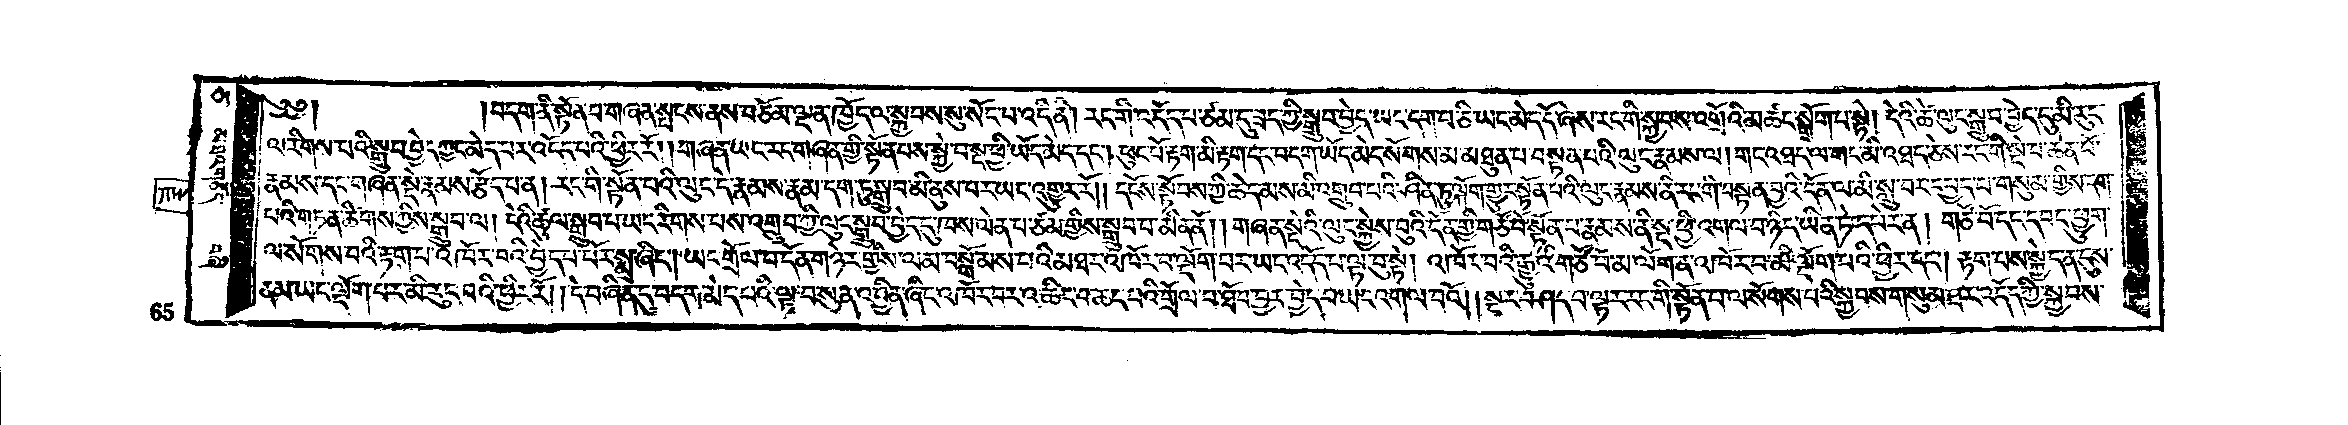༄༅། །བདག་ནི་སྟོན་པ་གཞན་སྤངས་ནས་བཅོམ་ལྡན་ཁྱོད་ལ་སྐྱབས་སུ་སོང་བ་འདི་ནི། རང་གི་འདོད་པ་ཙམ་དུ་ཟད་ཀྱི་སྒྲུབ་བྱེད་ཡང་དག་པ་ཅི་ཡང་མེད་དོ་ཞེས་རང་གི་སྐྱབས་འགྲོའི་མཚང་སྒྲོག་པ་སྟེ། དེའི་ཚེ་ལུང་སྒྲུབ་བྱེད་དུ་མི་རུང་
ལ་རིགས་པའི་སྒྲུབ་བྱེད་ཀྱང་མེད་པར་འདོད་པའི་ཕྱིར་རོ། །གཞན་ཡང་རང་གཞན་གྱི་སྟོན་པས་སྐྱེ་བ་སྔ་ཕྱི་ཡོད་མེད་དང་། ཕུང་རྟག་མི་རྟག་དང་བདག་ཡོད་མེད་སོགས་མི་མཐུན་པ་བསྟན་པའི་ལུང་རྣམས་ལ། གང་འཐད་ལ་གང་མི་འཐད་ཅེས་རང་གི་སྡེ་པ་ཆེན་པོ་
རྣམས་དང་གཞན་སྡེ་རྣམས་རྩོད་པ་ན། རང་གི་སྟོན་པའི་ལུང་དེ་རྣམས་རྣམ་དག་ཏུ་སྒྲུབ་མི་ནུས་པར་ཡང་འགྱུར་རོ། །དངོས་སྟོབས་ཀྱི་ཚད་མས་མི་འགྲུབ་པའི་ཤིན་ཏུ་ལྐོག་གྱུར་སྟོན་པའི་ལུང་རྣམས་ནི་རང་གི་བསྟན་བྱའི་དོན་ལ་མི་སླུ་བར་དཔྱད་པ་གསུམ་གྱིས་དག་
པའི་གཏན་ཚིགས་ཀྱིས་སྒྲུབ་ལ། དེའི་ཚུལ་སྒྲུབ་པ་ཡང་རིགས་པས་འགྲུབ་ཀྱི་ལུང་སྒྲུབ་བྱེད་དུ་ཁས་ལེན་པ་ཙམ་གྱིས་སྒྲུབ་པ་མིན་ནོ། །གཞན་སྡེའི་ལུང་སྐྱེས་བུའི་དོན་གྱི་གཙོ་བོ་སྟོན་པ་རྣམས་ནི་སྔ་ཕྱི་འགལ་བ་ཉིད་ཡིན་ཏེ་དཔེར་ན། གཙོ་བོ་དང་དབང་ཕྱུག་
ལ་སོགས་པའི་རྟག་པ་འཁོར་བའི་བྱེད་པ་པོར་སྨྲ་ཞིང་། ཡང་གྲོལ་བ་དོན་གཉེར་གྱིས་ལམ་བསྒོམས་པའི་མཐར་འཁོར་བ་ལྡོག་པར་ཡང་འདོད་པ་ལྟ་བུ་སྟེ། འཁོར་བའི་རྒྱུའི་གཙོ་བོ་མ་ལོག་ན་འཁོར་བ་མི་ལྡོག་པའི་ཕྱིར་དང་། རྟག་པས་སྐྱེད་ན་དུས་
ནམ་ཡང་ལྡོག་པར་མི་རུང་བའི་ཕྱིར་རོ། །དེ་བཞིན་དུ་བདག་མེད་པའི་ལྟ་བ་སུན་འབྱིན་ཞིང་འཁོར་བར་འཆིང་བ་ཆད་པའི་གྲོལ་བ་ཐོབ་བྱར་བྱེད་པ་ཡང་འགལ་བའོ། །སྔར་བཤད་པ་ལྟར་རང་གི་སྟོན་པ་ལ་སོགས་པའི་སྐྱབས་གསུམ་ཐར་འདོད་ཀྱི་སྐྱབས་